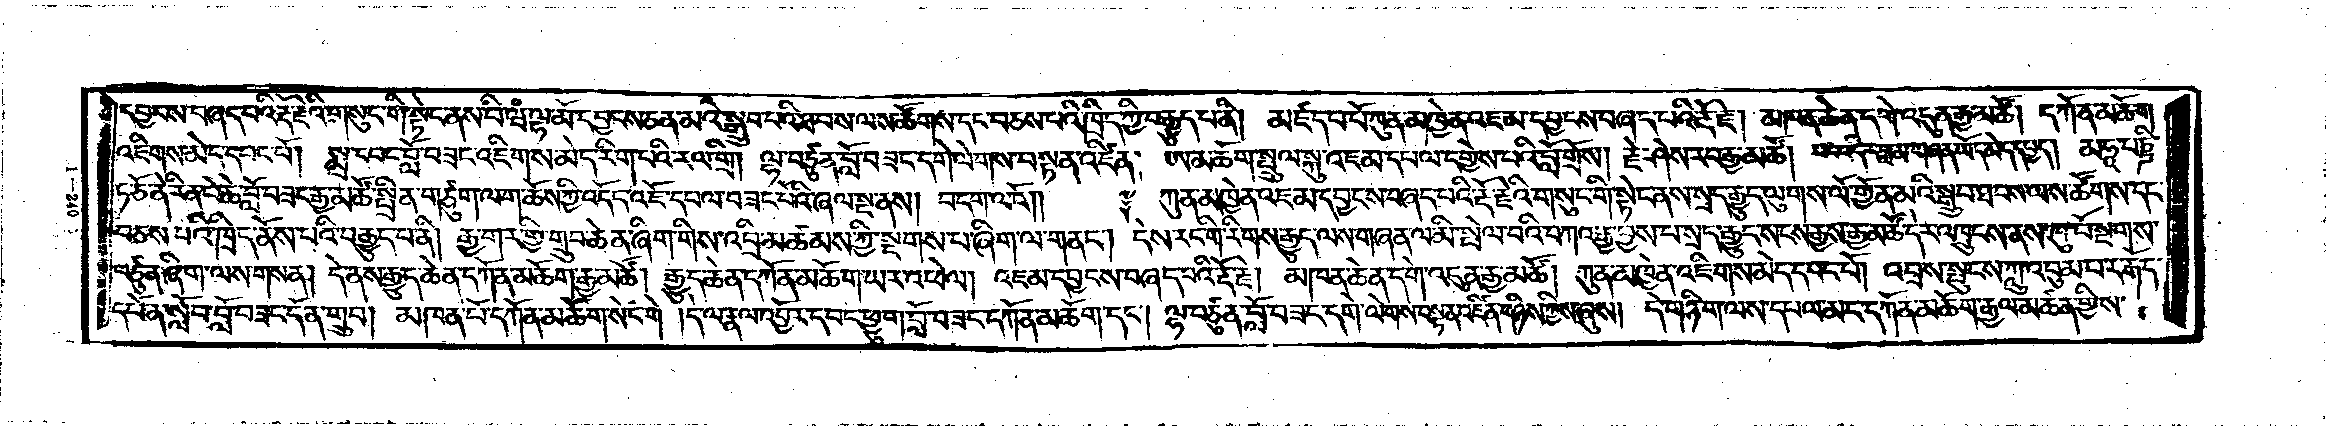དབྱངས་བཞད་བའི་རྡོ་རྗེའི་གསུང་གི་སྟེང་ནས་བི་ཝཾ་ལྷ་མོ་དབྱངས་ཅན་མའི་སྒྲུབ་པའི་ཐབས་ལས་ཚོགས་དང་བཅས་པའི་ཁྲིད་ཀྱི་བརྒྱུད་པ་ནི། མཛད་པ་པོ་ཀུན་མཁྱེན་འཇམ་དབྱངས་བཞད་པའི་རྡོ་རྗེ། མཁན་ཆེན་དགེ་འདུན་རྒྱ་མཚོ། དཀོན་མཆོག་
འཇིགས་མེད་དབང་པོ། སྨྲ་དབང་བློ་བཟང་འཇིགས་མེད་རིག་པའི་རལ་གྲི། ལྷ་བཙུན་བློ་བཟང་དགེ་ལེགས་བསྟན་འཛིན༑ ཨ་མཆོག་སྤྲུལ་སྐུ་འཇམ་དཔལ་དགྱེས་པའི་བློ་གྲོས། རྗེ་ཤེས་རབ་རྒྱ་མཚོ། བར་འདིར་བླ་མ་གཞན་ཡོད་མེད་དཔྱད།  མཧཱ་པཎྜི་
ཏ་ཅོ་ནེ་རིན་པོ་ཆེ་བློ་བཟང་རྒྱ་མཚོ་སྤྲིན་གཙུག་ལག་ཆོས་ཀྱི་འདོད་འཇོ་དཔལ་བཟང་པོའི་ཞལ་སྔ་ནས། བདག་ལའོ།། འ་ཀུན་མཁྱེན་འཇམ་དབྱངས་བཞད་པའི་རྡོ་རྗེའི་གསུང་གི་སྟེང་ནས་སྲས་རྒྱུད་ལུགས་ལོ་གྱོན་མའི་སྒྲུབ་ཐབས་ལས་ཚོགས་དང་
བཅས་པའི་ཁྲིད་ནོས་པའི་བརྒྱུད་པ་ནི། རྒྱ་གར་གྱི་གྲུབ་ཆེན་ཞིག་གིས་འབྲི་མཚམས་ཀྱི་སྔགས་པ་ཞིག་ལ་གནང་། དེས་རང་གི་རིགས་རྒྱུད་ལས་གཞན་ལ་མི་སྤེལ་བའི་བཀའ་རྒྱ་བྱས་པ་སྲས་རྒྱུད་སངས་རྒྱས་རྒྱ་མཚོ་དེར་འཁྲུངས་ནས་ཁུ་བོ་སྔགས་
བཙུན་ཞིག་ལས་གསན། དེ་ནས་རྒྱུད་ཆེན་དཀོན་མཆོག་རྒྱ་མཚོ། རྒྱུད་ཆེན་དཀོན་མཆོག་ཡར་འཕེལ། འཇམ་དབྱངས་བཞད་པའི་རྡོ་རྗེ། མཁན་ཆེན་དགེ་འདུན་རྒྱ་མཚོ། ཀུན་མཁྱེན་འཇིགས་མེད་དབང་པོ། འབྲས་སྤུངས་ཀླུ་འབུམ་པར་རྒོད་
དཔོན་སློབ་བློ་བཟང་དོན་གྲུབ། མཁན་པོ་དཀོན་མཆོག་སེང་གེ །དེ་ལ་རྣལ་འབྱོར་དབང་ཕྱུག་བློ་བཟང་དཀོན་མཆོག་དང་། ལྷ་བཙུན་བློ་བཟང་དགེ་ལེགས་བསྟན་འཛིན་གཉིས་ཀྱིས་ཞུས། དེ་གཉི་ག་ལས་དཔལ་མང་དཀོན་མཆོག་རྒྱལ་མཚན་གྱིས་